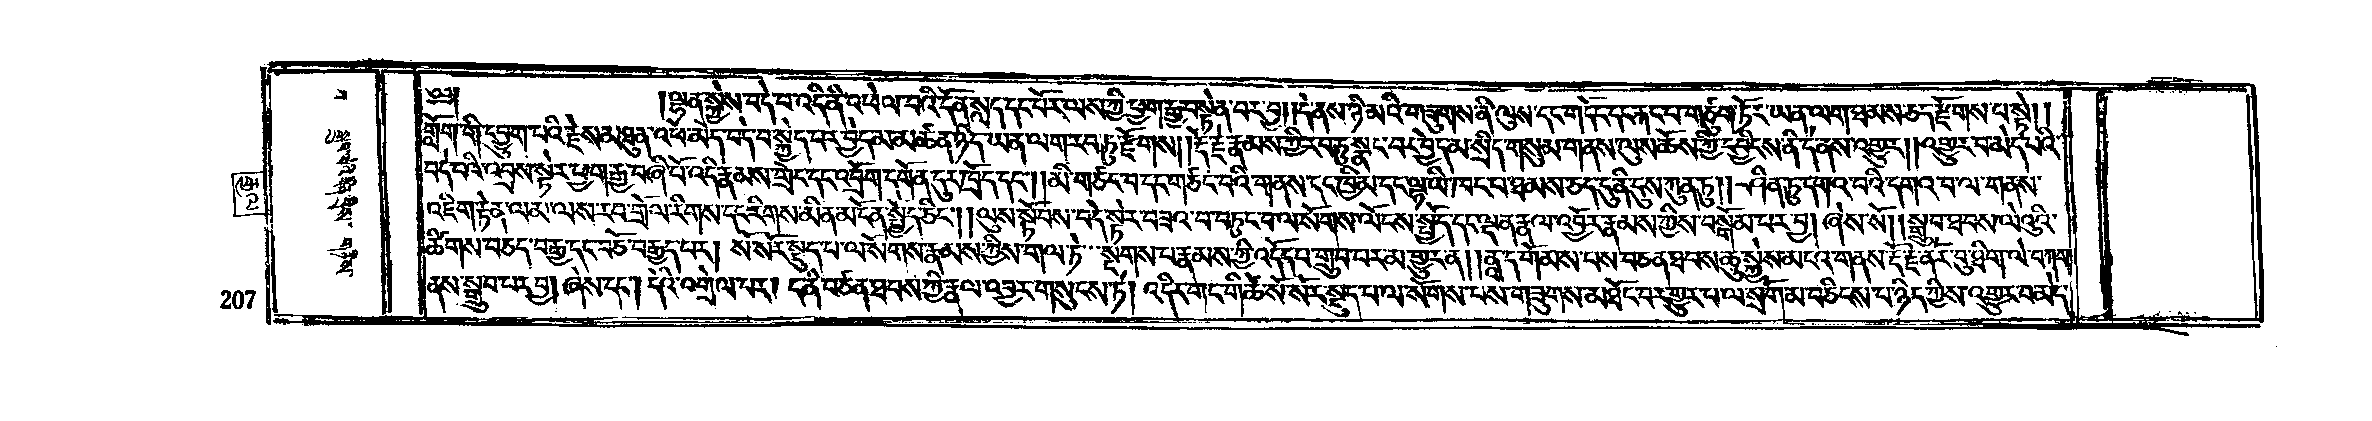༄༅། །ལྷན་སྐྱེས་བདེ་བ་འདི་ནི་འཕེལ་བའི་དོན་སླད་དང་པོར་ལས་ཀྱི་ཕྱག་རྒྱ་བསྟེན་པར་བྱ། །དེ་ནས་ཉི་མའི་གཟུགས་ནི་ལུས་དང་གདོང་དང་རྐང་པ་གཙུག་ཏོར་ཡན་ལག་ཐམས་ཅད་རྫོགས་པ་སྟེ། །
གློག་གི་དབྱུག་པའི་རྗེས་མཐུན་འཕེ་མེད་བདེ་བ་སྐྱེད་པར་བྱེད་མ་མཚན་ཉིད་ཡན་ལག་རབ་ཏུ་རྫོགས། །རྡོ་རྗེ་རྣམས་ཀྱི་རབ་ཏུ་སྣང་བར་བྱེད་མ་སྲིད་གསུམ་གནས་ལུས་ཆོས་ཀྱི་དབྱིངས་ནི་དེ་ནས་འགྱུར། །འགྱུར་བ་མེད་པའི་
བདེ་བའི་འབྲས་སྟེར་ཕྱག་རྒྱ་བཞི་པོ་འདི་རྣམས་གྲེང་དང་འབྲོག་དགོན་དུར་ཁྲོད་དང་། །མི་གཙང་བ་དང་གཙང་བའི་གནས་དང་ཁྱིམ་དང་ལྷ་ཡི་ཁང་པ་ཐམས་ཅད་དུ་ནི་དུས་ཀུན་ཏུ། །ཤིན་ཏུ་དགའ་བའི་དགའ་བ་ལ་གནས་
འཇིག་རྟེན་ལམ་ལས་རབ་གྲོལ་རིགས་དང་རིགས་མིན་མངོན་སྤྱོད་ཅིང་། །ལུས་སྟོབས་བདེ་སྟེར་བཟའ་བ་བཏུང་བ་ལ་སོགས་ལོངས་སྤྱོད་དང་ལྡན་རྣལ་འབྱོར་རྣམས་ཀྱིས་བསྒོམ་པར་བྱ། ཞེས་སོ། །སྒྲུབ་ཐབས་ལེའུའི་
ཚིགས་བཅད་བརྒྱ་དང་བཅོ་བརྒྱད་པར། སོ་སོར་སྡུད་པ་ལ་སོགས་རྣམས་ཀྱིས་གལ་ཏེ་སྔགས་པ་རྣམས་ཀྱི་འདོད་པ་གྲུབ་པར་མ་གྱུར་ན། ནཱ་ད་གོམས་པས་བཅན་ཐབས་ཆུ་སྐྱེས་མངའ་གནས་རྡོ་རྗེ་ནོར་བུ་ཐིག་ལེ་བཀག་
ནས་སྒྲུབ་པར་བྱ། ཞེས་དང་། དེའི་འགྲེལ་པར། དེ་ནི་བཙན་ཐབས་ཀྱི་རྣལ་འབྱོར་གསུངས་ཏེ། འདིར་གང་གི་ཚེ་སོ་སོར་སྡུད་པ་ལ་སོགས་པས་གཟུགས་མཐོང་བར་གྱུར་པ་ལ་སྲོག་མ་བཅིངས་པ་ཉིད་ཀྱིས་འགྱུར་བ་མེད་